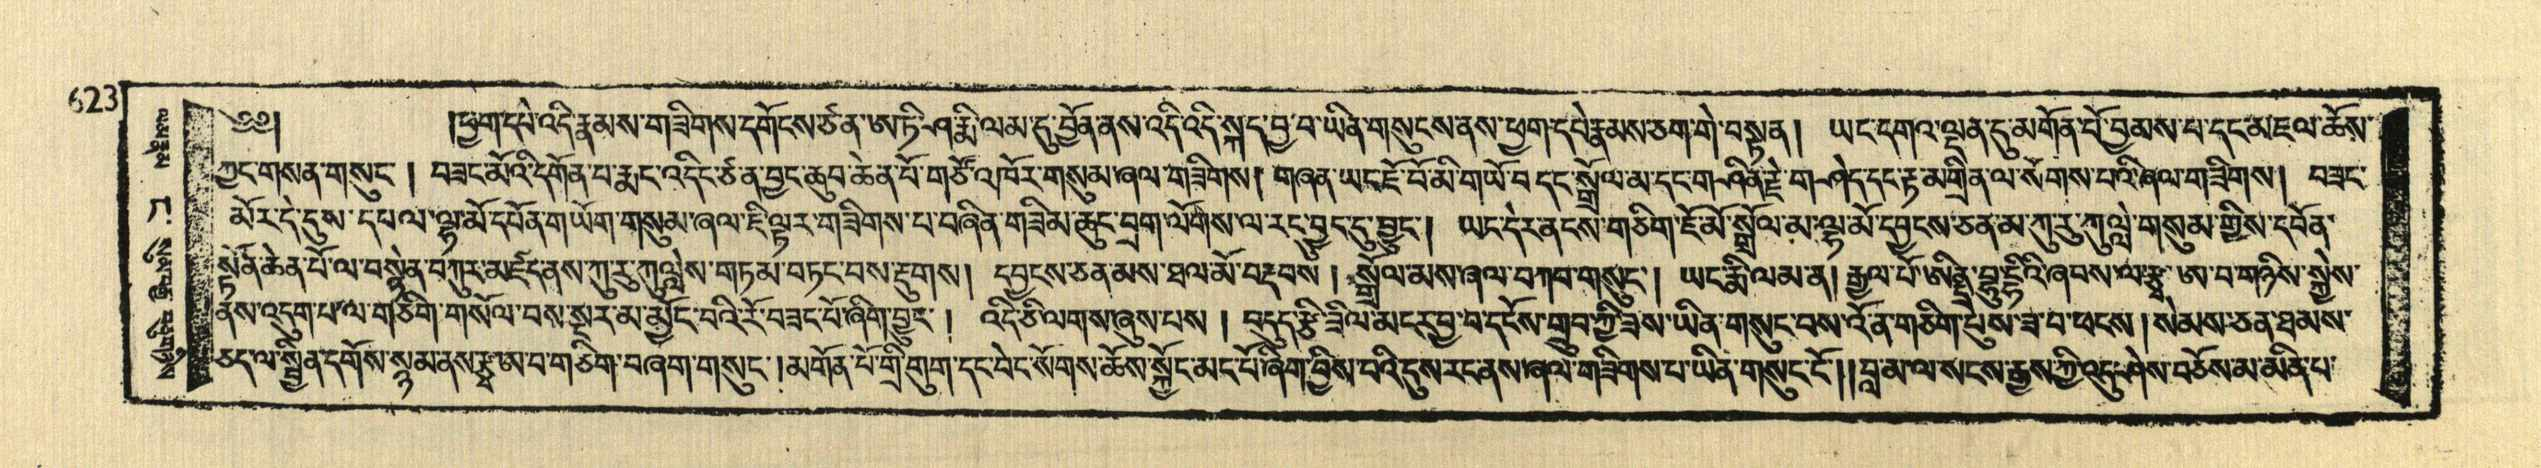༄༅། །ཕྱག་དཔེ་འདི་རྣམས་གཟིགས་དགོངས་ཙ་ན་ཨ་ཏི་ཤ་རྨི་ལམ་དུ་བྱོན་ནས་འདི་འདི་སྐད་བྱ་བ་ཡིན་གསུངས་ནས་ཕྱག་དཔེ་རྣམས་ཅག་གེ་བསྟན། ཡང་དགའ་ལྡན་དུ་མགོན་པོ་བྱམས་པ་དང་མཇལ་ཆོས་
ཀྱང་གསན་གསུང་། བཟང་མོའི་དགོན་པ་རྨང་འདིང་ཙ་ན་བྱང་ཆུབ་ཆེན་པོ་གཙོ་འཁོར་གསུམ་ཞལ་གཟིགས། གཞན་ཡང་ཇོ་བོ་མི་གཡོ་བ་དང་སྒྲོལ་མ་དང་གཤིན་རྗེ་གཤེད་དང་རྟ་མགྲིན་ལ་སོགས་པའི་ཞལ་གཟིགས། བཟང་
མོར་དེ་དུས་དཔལ་ལྷ་མོ་དཔོན་གཡོག་གསུམ་ཞལ་ཇི་ལྟར་གཟིགས་པ་བཞིན་གཟིམ་ཆུང་བྲག་ལོགས་ལ་རང་བྱུང་དུ་བྱུང་། ཡང་དེར་ནངས་གཅིག་ཇོ་མོ་སྒྲོལ་མ་ལྷ་མོ་དབྱངས་ཅན་མ་ཀུ་རུ་ཀུལླེ་གསུམ་གྱིས་དབོན་
སྟོན་ཆེན་པོ་ལ་བསྙེན་བཀུར་མཛད་ནས་ཀུ་རུ་ཀལླེས་གཏམ་བཏང་བས་རྡུགས། དབྱངས་ཅན་མས་ཐལ་མོ་བརྡབས། སྒྲོལ་མས་ཞལ་བཀབ་གསུང་། ཡང་རྨི་ལམ་ན། རྒྱལ་པོ་ཨིནྡྲ་བྷུ་དྷིའི་ཞབས་ལ་རྩྭ་ཨ་བ་གཉིས་སྐྱེས་
ནས་འདུག་པ་ལ་གཅིག་གསོལ་བས་སྔར་མ་མྱོང་བའི་རོ་བཟང་པོ་ཞིག་བྱུང་། འདི་ཅི་ལགས་ཞུས་པས། བདུད་རྩི་ཟིལ་མངར་བྱ་བ་དངོས་གྲུབ་ཀྱི་ཟས་ཡིན་གསུང་བས་འོ་ན་གཅིག་པུས་ཟ་བ་ཕངས། སེམས་ཅན་ཐམས་
ཅད་ལ་སྦྱིན་དགོས་སྙམ་ནས་རྩྭ་ཨ་བ་གཅིག་བཞག་གསུང་།མགོན་པོ་གྲི་གུག་དང་བེང་སོགས་ཆོས་སྐྱོང་མང་པོ་ཞིག་བྱིས་པའི་དུས་རང་ནས་ཞལ་གཟིགས་པ་ཡིན་གསུང་ངོ། །བླ་མ་ལ་སངས་རྒྱས་ཀྱི་འདུ་ཤེས་བཅོས་མ་མིན་པ་